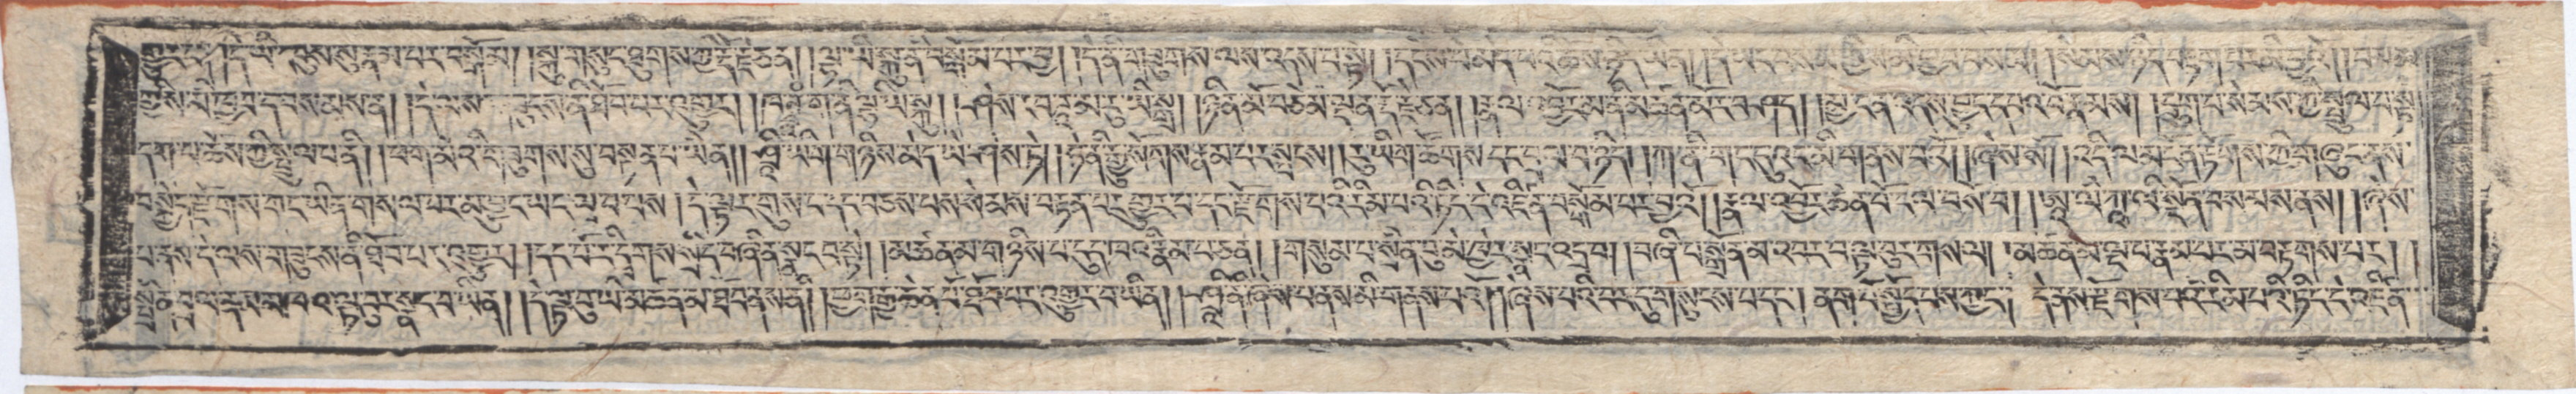གྱུར་པ། །དེ་ཡི་དབུས་སུ་རྣམ་པར་བསྒོམ། །སྐུ་གསུང་ཐུགས་ཀྱི་རྡོ་རྗེ་ཅན། །ལྷ་ཡི་སྐུ་ནི་བསྒོམ་པར་བྱ། །དེ་ནི་གཟུགས་ལས་འདས་པ་སྟེ། །དངོས་པོ་མེད་པའི་ཆོས་ཉིད་ཡིན། །དེ་ཡང་བསམ་གྱིས་མི་ཁྱབ་བསམ། །སེམས་ཉིད་བརྟག་པར་མི་བྱའོ། །བསམ་
གྱིས་མི་ཁྱབ་དེ་བསམས་ན། །དེ་ལས་གཟུངས་ནི་ཐོབ་པར་འགྱུར། །ཁ་ཊྭཱཾ་ག་ནི་ལྷ་ཡི་སྐུ། །ཤེས་རབ་ཌཱ་མ་རུ་ཡི་སྒྲ། །ཉིན་མོ་བཅོམ་ལྡན་རྡོ་རྗེ་ཅན། །རྣལ་འབྱོར་མ་ནི་མཚན་མོར་བཤད། །མྱ་ངན་འདས་བྱུང་དཔའ་བོ་རྣམས། །དྲུག་པ་སེམས་ཀྱི་སྤྲུལ་པ་སྟེ།
དག་པ་ཆོས་ཀྱི་སྤྲུལ་པ་ནི། །ཕག་མོའི་གཟུགས་སུ་བསྟན་པ་ཡིན། །ཤྲཱི་ཡིག་གཉིས་མེད་ཡེ་ཤེས་ཏེ། །ཧེ་ནི་རྒྱུ་སོགས་རྣམ་པར་སྤངས། །རུ་ཡིག་ཚོགས་དང་བྲལ་བ་ཉིད། །ཀ་ནི་གང་དུའང་མི་གནས་པའོ། །ཞེས་སོ། །འདི་ལ་མངོན་རྟོགས་ཀྱི་གཞུང་ནས་
བསྐྱེད་རྫོགས་གང་ཡིན་གསལ་བར་མ་བྱུང་ཡང་ལྭ་བ་པས། དེ་ལྟར་གུས་པ་དང་བཅས་པས་སེམས་བརྟན་པར་གྱུར་པ་དང་རྫོགས་པའི་རིམ་པའི་ཏིང་ངེ་འཛིན་བསྒོམ་པར་བྱའོ། །རྣལ་འབྱོར་ཆེན་པོ་ངལ་བསོ་བ། །ཨཱ་ལི་ཀཱ་ལི་སྔོན་བསམས་ནས། །ཞེས་
པ་ནས་དེ་ལས་གཟུངས་ནི་ཐོབ་པར་འགྱུར། །དང་པོ་རི་དྭགས་སྲིད་བཞིན་སྣང་བ་སྟེ། །མཚན་མ་གཉིས་པ་དུད་ཁའི་རྣམ་པ་ཅན། །གསུམ་པ་སྲིན་བུ་མེ་ཁྱེར་སྣང་འདྲ་བ། །བཞི་པ་སྒྲོན་མ་འབར་བ་ལྟ་བུར་གསལ། །མཚན་མ་ལྔ་པ་རྣམ་པར་མ་བརྟགས་པར། །
སྤྲིན་བྲལ་ནམ་མཁའ་ལྟ་བུར་སྣང་བ་ཡིན། །དེ་ལྟ་བུ་ཡི་མཚན་མ་ཐོབ་ནས་ནི། །ཕྱག་རྒྱ་ཆེན་པོ་ཐོབ་པར་འགྱུར་བ་ཡིན། །ཤྲཱི་ནི་ཞེས་པ་ནས་མི་གནས་པའོ། །ཞེས་པའི་བར་དུ་གསུངས་པ་དང་། ནག་པོ་སྤྱོད་པས་ཀྱང་། དེ་ནས་རྫོགས་པའི་རིམ་པའི་ཏིང་ངེ་འཛིན་